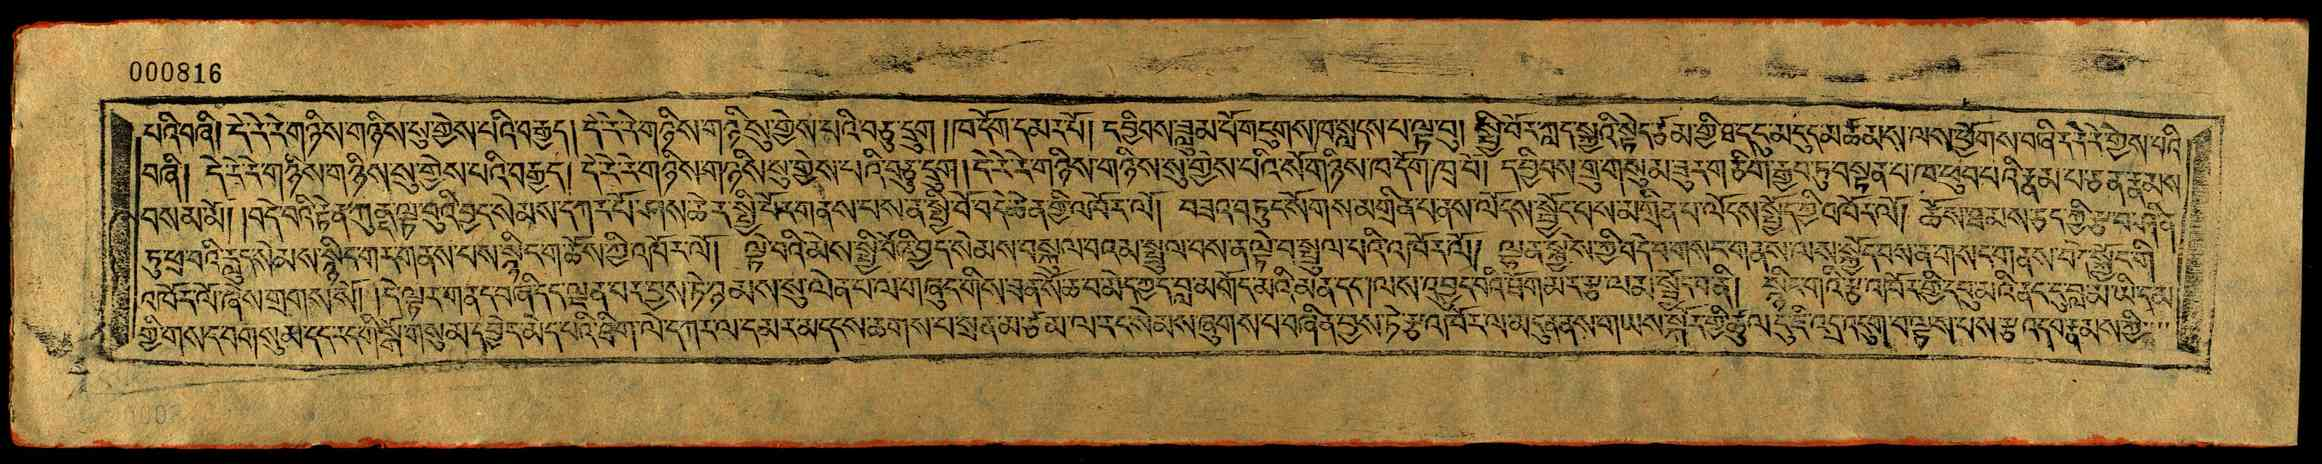པའི་བཞི། དེ་རེ་རེ་གཉིས་གཉིས་སུ་གྱེས་པའི་བརྒྱད། དེ་རེ་རེ་གཉིས་གཉིས་སུ་གྱེས་པའི་བཅུ་དྲུག །ཁ་དོག་དམར་པོ། དབྱིབས་ཟླུམ་པོ་གདུགས་ཁ་སླངས་པ་ལྟ་བུ། སྤྱི་བོར་ཀླད་སྐྱའ་སྟེང་ཙམ་གྱི་ཐད་དུ་མདུད་མཚམས་ལས་ཕྱོགས་བཞིར་རེ་རེ་གྱེས་པའི་
བཞི༑ དེ་རེ་རེ་གཉིས་གཉིས་སུ་གྱེས་པའི་བརྒྱད། དེ་རེ་རེ་གཉིས་གཉིས་སུ་གྱེས་པའི་བཅུ་དྲུག །དེ་རེ་རེ་གཉིས་གཉིས་སུ་གྱེས་པའི་སོ་གཉིས་ཁ་དོག་ཁྲ་བོ། དབྱིབས་གྲུ་གསུམ་ཟུར་གཅིག་རྒྱབ་ཏུ་བསྟན་པ་ཁ་ཕུབ་པའི་རྣམ་པ་ཅན་རྣམས་
བསམ་མོ། །བདེ་བའི་རྟེན་ཀུནྡ་ལྟ་བུའི་བྱང་སེམས་དཀར་པོ་ཤས་ཆེར་སྤྱི་བོར་གནས་པས་ན་སྤྱི་བོ་བདེ་ཆེན་གྱི་འཁོར་ལོ། བཟའ་བཏུང་སོགས་མགྲིན་པ་ནས་ལོངས་སྤྱོད་པས་མགྲིན་པ་ལོངས་སྤྱོད་ཀྱི་འཁོར་ལོ། ཆོས་ཐམས་ཅད་ཀྱི་རྩ་བ་ཤིན་
ཏུ་ཕྲ་བའི་རླུང་སེམས་སྙིང་གར་གནས་པས་སྙིང་གྖོས་ཀྱི་འཁོར་ལོ། ལྟེ་བའི་མེས་སྤྱི་བོའི་བྱང་སེམས་བསྐུལ་བའམ་སྤྲུལ་བས་ན་ལྟེ་བ་སྤྲུལ་པའི་འཁོར་ལོ། ལྷན་སྐྱེས་ཀྱི་བདེ་བ་གསང་གནས་ལས་སྐྱོང་བས་ན་གསང་གནས་བདེ་སྐྱོང་གི་
འཁོར་ལོ་ཞེས་གྲགས་སོ། །དེ་ལྟར་གནད་བཞི་དང་ལྡན་པར་བྱས་ཏེ་ཉམས་སུ་ལེན་པ་ལ་གཞུང་གིས་ཟིན་སོ་ཆེ་བ་མེད་ཀྱང་བླ་མ་གོང་མའི་མན་ངག་ལས་འབྱུང་བའི་ཐོག་མར་རྩ་ལམ་སྦྱོང་བ་ནི། སྙིང་གའི་རྩ་འཁོར་གྱི་དབུ་མའི་ནང་དུ་བླ་མ་ཡི་དམ་
གྱི་གསང་བ་གསུམ་དང་རང་གི་སྒོ་གསུམ་དབྱེར་མེད་པའི་ཐིག་ལེ་དཀར་ལ་དམར་མདངས་ཆགས་པ་སྲན་མ་ཙམ་ལ་རང་སེམས་ཞུགས་པ་བཞིན་བྱས་ཏེ་རྩ་འཁོར་ལ་མདུན་ནས་གཡས་སྐོར་གྱི་ཚུལ་དུ་ཇི་འདྲ་འདུག་བལྟས་པས་རྩ་འདབ་རྣམས་ཀྱི་